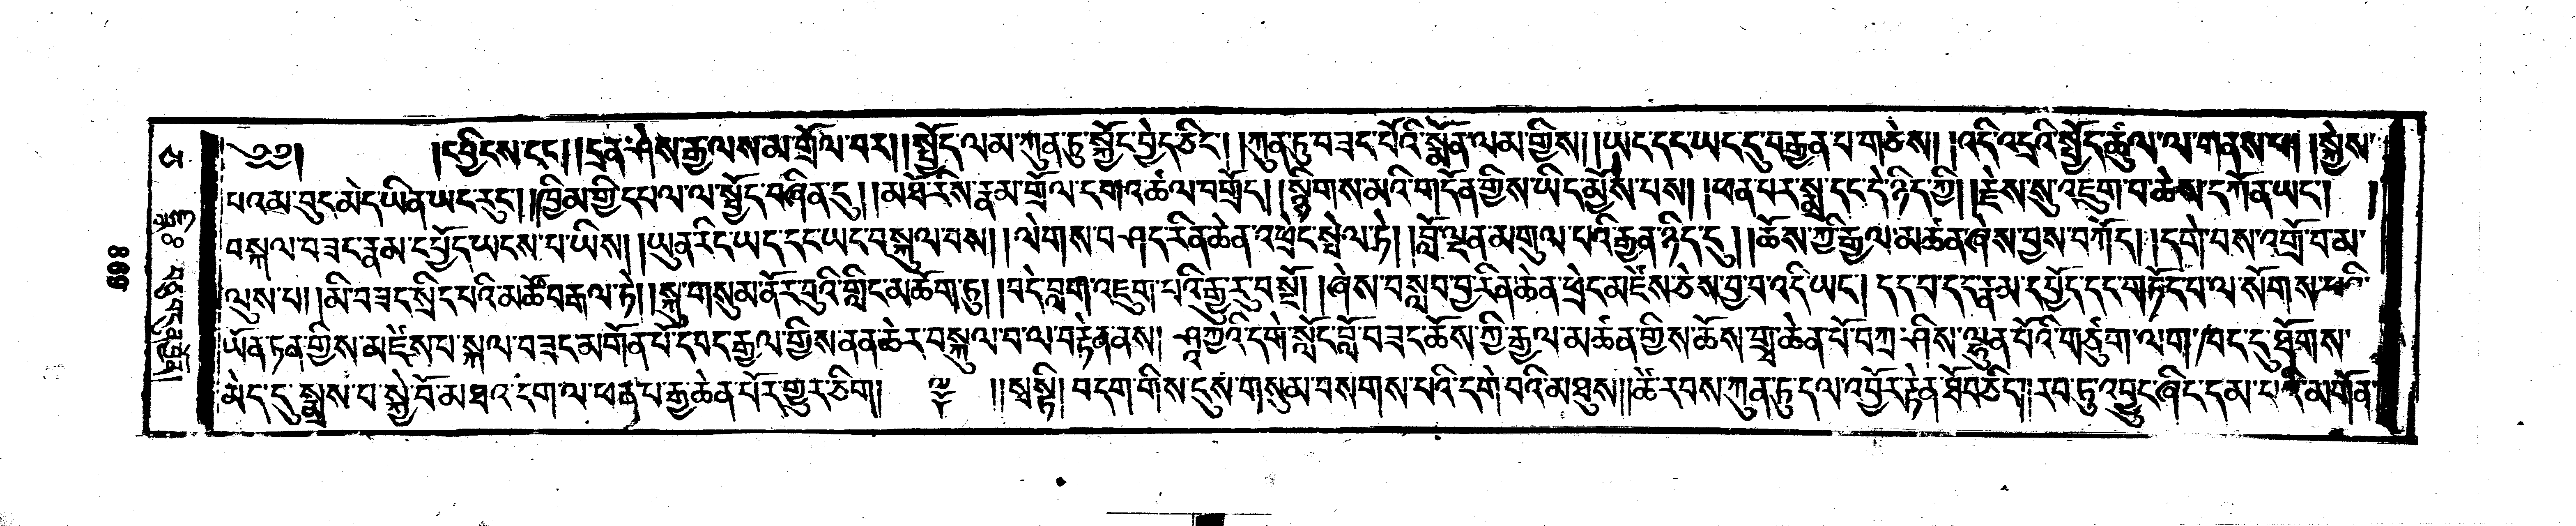༄༅། །དབྱིངས་དང་། །དྲན་ཤེས་རྒྱ་ལས་མ་གྲོལ་བར། །སྤྱོད་ལམ་ཀུན་ཏུ་སྐྱོང་བྱེད་ཅིང་། །ཀུན་ཏུ་བཟང་པོའི་སྨོན་ལམ་གྱིས། །ཡང་དང་ཡང་དུ་བརྒྱན་པ་གཅེས། །འདི་འདྲའི་སྤྱོད་ཚུལ་ལ་གནས་པ། །སྐྱེས་
པའམ་བུད་མེད་ཡིན་ཡང་རུང་། །ཁྱིམ་གྱི་དཔལ་ལ་སྤྱོད་བཞིན་དུ། །མཐོ་རིས་རྣམ་གྲོལ་དགའ་ཚལ་བགྲོད། །སྙིགས་མའི་གདོན་གྱིས་ཡིད་མྱོས་པས། །ཕན་པར་སྨྲ་དང་དེ་ཉིད་ཀྱི། །རྗེས་སུ་འཇུག་པ་ཆེས་དཀོན་ཡང་། །
བསྐལ་བཟང་རྣམ་དཔྱོད་ཡངས་པ་ཡིས། །ཡུན་རིང་ཡང་དང་ཡང་བསྐུལ་བས། །ལེགས་བཤད་རིན་ཆེན་འཕྲེང་སྤེལ་ཏེ། །བློ་ལྡན་མགུལ་བའི་རྒྱན་ཉིད་དུ། །ཆོས་ཀྱི་རྒྱལ་མཚན་ཞེས་བྱས་བཀོད། །དགེ་བས་འགྲོ་བ་མ་
ལུས་པ། །མི་བཟད་སྲིད་པའི་མཚོ་བརྒལ་ཏེ། །སུ་གསུམ་ནོར་བུའི་གླིང་མཆོག་ཏུ། །བདེ་བླག་འཇུག་པའི་རྒྱུ་རུ་བསྔོ། །ཞེས་པ་བསླབ་བྱ་རིན་ཆེན་ཕྲེང་མཛེས་ཅེས་བྱ་བ་འདི་ཡང་། །དད་པ་དང་རྣམ་དཔྱོད་དང་གཏོང་བ་ལ་སོགས་པའི་
ཀུན་གྱི་མཛད་པ་དང་། །འཁོར་དང་སྐུ་ཚེ་འཕྲིན་ལས་མ་ལུས་ཆེར་བསྐུལ་བ་ལ་བརྟེན་ནས། ཤཱཀྱའི་དགེ་སློང་བློ་བཟང་ཆོས་ཀྱི་རྒྱལ་མཚན་གྱིས་ཆོས་གྲྭ་ཆེན་པོ་བཀྲ་ཤིས་ལྷུན་པོའི་གཙུག་ལག་ཁང་དུ་ཐོགས་
མེད་དུ་སྨྲས་པ་སྐྱེ་བོ་མཐའ་དག་ལ་ཕན་པ་རྒྱ་ཆེན་པོར་གྱུར་ཅིག ། ༈ །།སྭསྟི། བདག་གིས་དུས་གསུམ་བསགས་པའི་དགེ་བའི་མཐུས། །ཚེ་རབས་ཀུན་ཏུ་དལ་འབྱོར་རྟེན་ཐོབ་ཅིང་། །རབ་ཏུ་འབྱུང་ཞིང་དམ་པའི་མགོན་